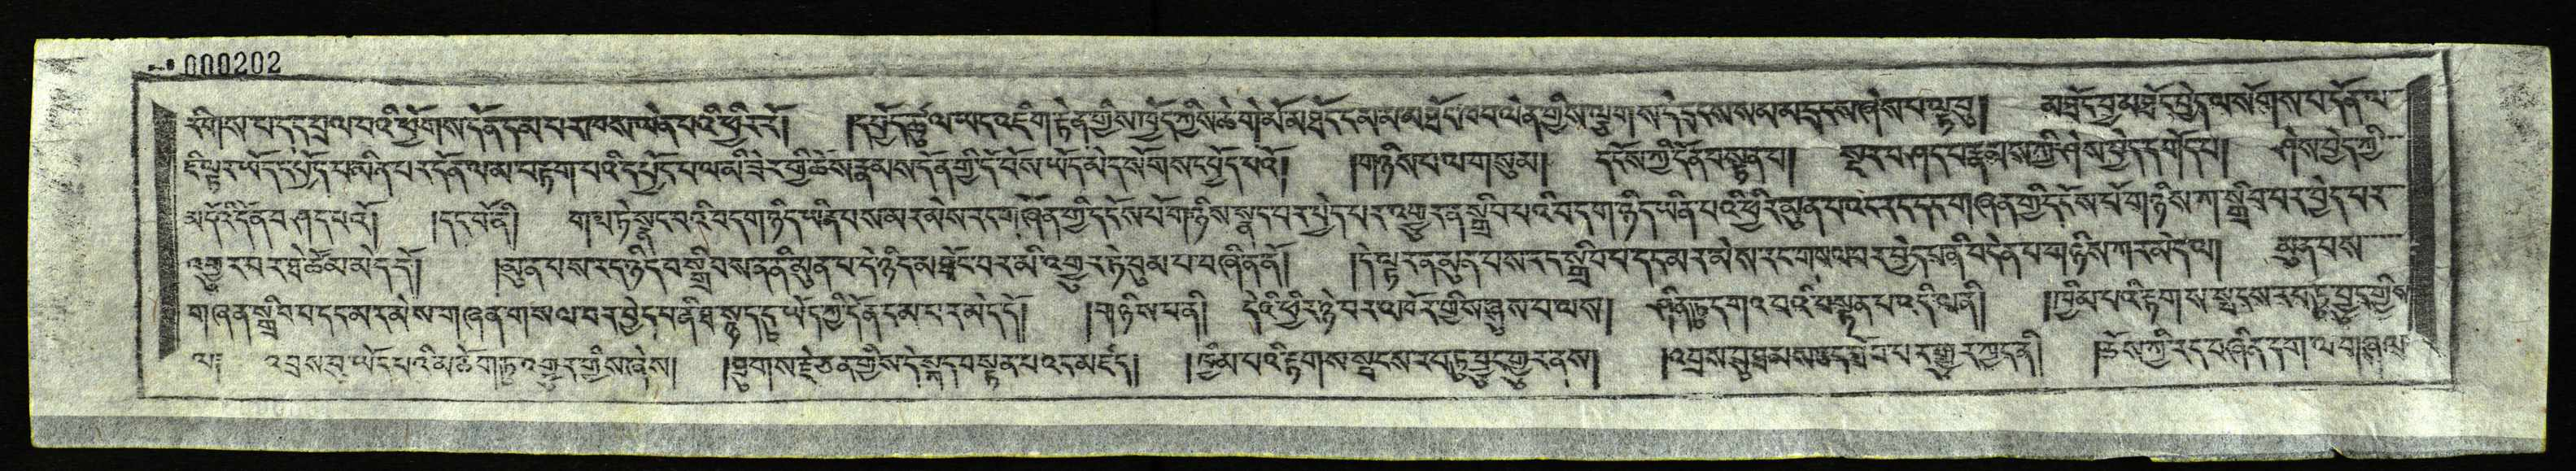རིགས་པ་དང་བྲལ་བའི་ཕྱོགས་དོན་དམ་པར་ཁས་ལེན་པའི་ཕྱིར་རོ། །དཔྱོད་ཚུལ་ཡང་འཇིག་རྟེན་གྱིས་ཁྱོད་ཀྱིས་ཆེ་གེ་མོ་མཐོང་ངམ་མ་མཐོང་ཁབ་ལེན་གྱིས་ལྕགས་དེ་དྲངས་སམ་མ་དྲངས་ཞེས་པ་ལྟ་བུ། མཐོང་བྱ་མཐོང་བྱེད་ལ་སོགས་པ་དོན་ལ་
ཇི་ལྟར་ཡོད་དཔྱོད་པ་མིན་པར་དོན་ལ་མ་བརྟག་པའི་དཔྱོད་པ་ལ་མི་ཟེར་གྱི་ཆོས་རྣམས་དོན་གྱི་ངོ་བོས་ཡོད་མེད་སོགས་དཔྱོད་པའོ། །གཉིས་པ་ལ་གསུམ། དངོས་ཀྱི་དོན་བསྟན་པ། སྔར་བཤད་པ་རྣམས་ཀྱི་ཤེས་བྱེད་དགོད་པ། ཤེས་བྱེད་ཀྱི་
མདོའི་དོན་བཤད་པའོ། །དང་པོ་ནི། གལ་ཏེ་སྣང་བའི་བདག་ཉིད་ཡིན་པས་མར་མེས་རང་གཞོན་གྱི་དངོས་པོ་གཉིས་སྣང་བར་བྱེད་པར་འགྱུར་ན་སྒྲིབ་པའི་བདག་ཉིད་ཡིན་པའི་ཕྱིར་མུན་པའང་རང་དང་གཞན་གྱི་དངོས་པོ་གཉིས་ཀ་སྒྲིབ་པར་བྱེད་པར་
འགྱུར་པར་ཐེ་ཚོམ་མེད་དོ། །མུན་པས་རང་ཉིད་བསྒྲིབས་ན་ནི་མུན་པ་དེ་ཉིད་མཐོང་བར་མི་འགྱུར་ཏེ་བུམ་པ་བཞིན་ནོ། །དེ་ལྟར་ན་མུན་པས་རང་སྒྲིབ་པ་དང་མར་མེས་རང་གསལ་བར་བྱེད་པ་ནི་བདེན་པ་གཉིས་ཀར་མེད་ལ། མུན་པས་
གཞན་སྒྲིབ་པ་དང་མར་མེས་གཞན་གསལ་བར་བྱེད་པ་ནི་ཐ་སྙད་དུ་ཡོད་ཀྱི་དོན་དམ་པར་མེད་དོ། །གཉིས་པ་ནི། དེའི་ཕྱིར་ཉེ་བར་འཁོར་གྱིས་ཞུས་པ་ལས། ཤིན་ཏུ་དགའ་བའི་བསྟན་པ་འདི་ལ་ནི། །ཁྱིམ་པའི་རྟགས་སྤངས་རབ་ཏུ་བྱུང་གྱིས་
ལ༑ འབྲས་བུ་ཡོད་པའི་མཆོག་ཏུ་འགྱུར་གྱིས་ཞེས། །ཐུགས་རྗེ་ཅན་གྱིས་དེ་སྐད་བསྟན་པའང་མཛད། །ཁྱིམ་པའི་རྟགས་སྤངས་རབ་ཏུ་བྱུང་གྱུར་ནས། །འབྲས་བུ་ཐམས་ཅད་ཐོབ་པར་གྱུར་ཀྱང་ནི། །ཆོས་ཀྱི་རང་བཞིན་དག་ལ་གཞལ་